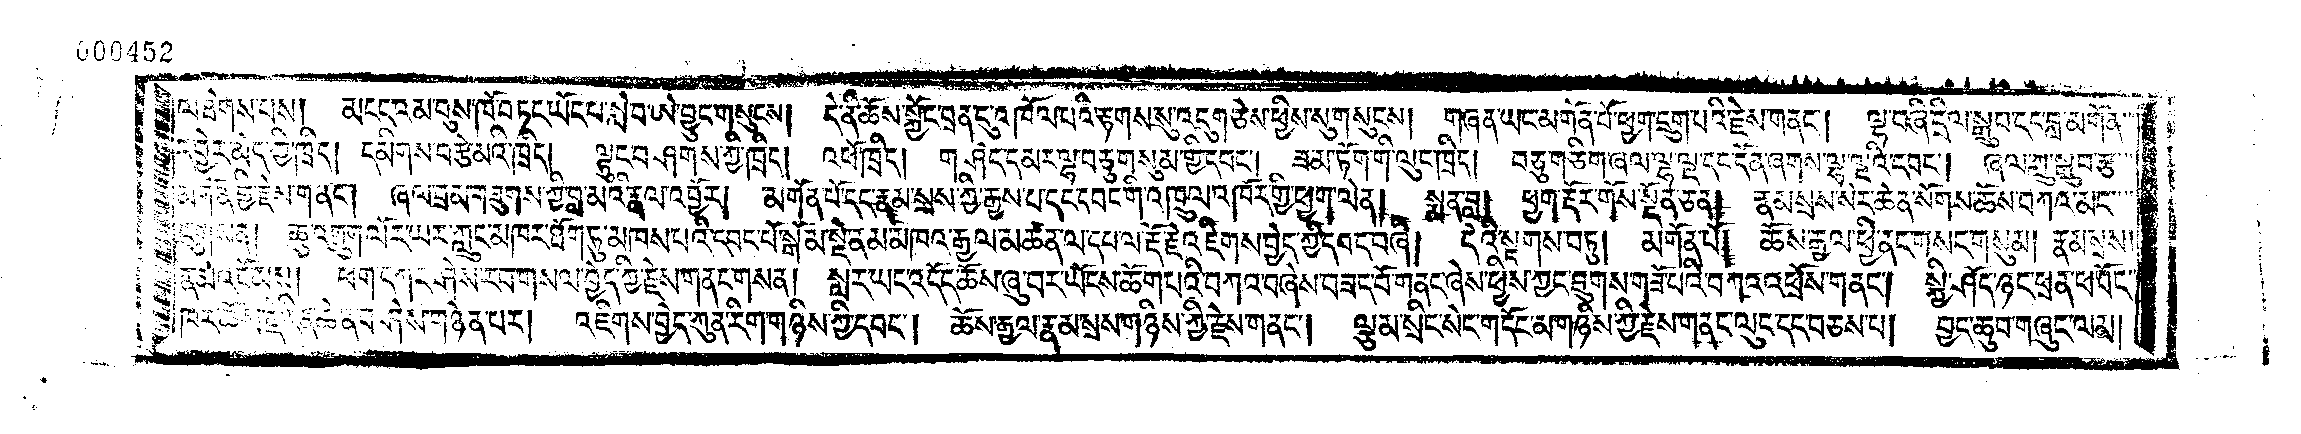ལ་ཐེགས་པས། མདང་འམ་བུས་ཁོ་བཏང་ཡོད་པ་སླེབ་ཨེ་བྱུང་གསུངས། དེ་ནི་ཆོས་སྐྱོང་བྲན་དུ་འཁོལ་བའི་རྟགས་སུ་འདུག་ཅེས་ཕྱིས་སུ་གསུངས། གཞན་ཡང་མགོན་པོ་ཕྱག་དྲུག་པའི་རྗེས་གནང་། ལྷ་བཞི་དྲིལ་སྒྲུབ་དང་བླ་མགོན་
དབྱེར་མེད་ཀྱི་ཁྲིད། དམིགས་བརྩེ་མའི་ཁྲིད། ལྟུང་བཤགས་ཀྱི་ཁྲིད། འཕོ་ཁྲིད། གཤེད་དམར་ལྷ་བཅུ་གསུམ་གྱི་དབང་། ཟ་མ་ཏོག་གི་ལུང་ཁྲིད། བཅུ་གཅིག་ཞལ་ལྷ་ལྔ་དང་དོན་ཞགས་ལྷ་ལྔའི་དབང་། ཞལ་ཀླུ་སྒྲུབ་རྩ་
མགོན་གྱི་རྗེས་གནང་། ཞལ་བྲམ་གཟུགས་ཀྱི་བླ་མའི་རྣལ་འབྱོར། མགོན་པོ་དང་རྣམ་སྲས་ཀྱི་རྒྱས་པ་དང་དབང་གི་འཁྲུལ་འཁོར་གྱི་ཕྱག་ལེན། སྨན་བླ། ཕྱག་རྡོར་གོས་སྔོན་ཅན། རྣམ་སྲས་སེར་ཆེན་སོགས་ཆོས་བཀའ་མང་
དུ་གསན། ཆུ་འབྲུག་ལོར་ཡར་ཀླུང་མཁར་ཐོག་ཏུ་མཁས་པའི་དབང་པོ་སྒོམ་སྡེ་ནམ་མཁའ་རྒྱལ་མཚན་ལ་དཔལ་རྡོ་རྗེ་འཇིགས་བྱེད་ཀྱི་དབང་བཞི། དེའི་སྔགས་བཏུ། མགོན་པོ། ཆོས་རྒྱལ་ཕྱི་ནང་གསང་གསུམ། རྣམ་སྲས།
རྣམ་འཇོམས། ཕག་དཀར་ཤེས་རབ་གསལ་བྱེད་ཀྱི་རྗེས་གནང་གསན། སླར་ཡང་འདོད་ཆོས་ཞུ་བར་ཡོངས་ཆོ་ག་བའི་བཀའ་བཞེས་བཟང་པོ་གནང་ཞེས་ཕྱིས་ཀྱང་ཐུགས་གཟོ་བའི་བཀའ་འཕྲོས་གནང་། སྐྱི་ཤོད་ཉང་ཕྲན་ཕ་བོང་
ཁར་ཆོས་རྗེ་རིན་ཆེན་བཤེས་གཉེན་པར། འཇིགས་བྱེད་ཀུན་རིག་གཉིས་ཀྱི་དབང་། ཆོས་རྒྱལ་རྣམ་སྲས་གཉིས་ཀྱི་རྗེས་གནང་། ལྕམ་སྲིང་སེང་གདོང་མ་གཉིས་ཀྱི་རྗེས་གནང་ལུང་དང་བཅས་པ། བྱང་ཆུབ་གཞུང་ལམ།